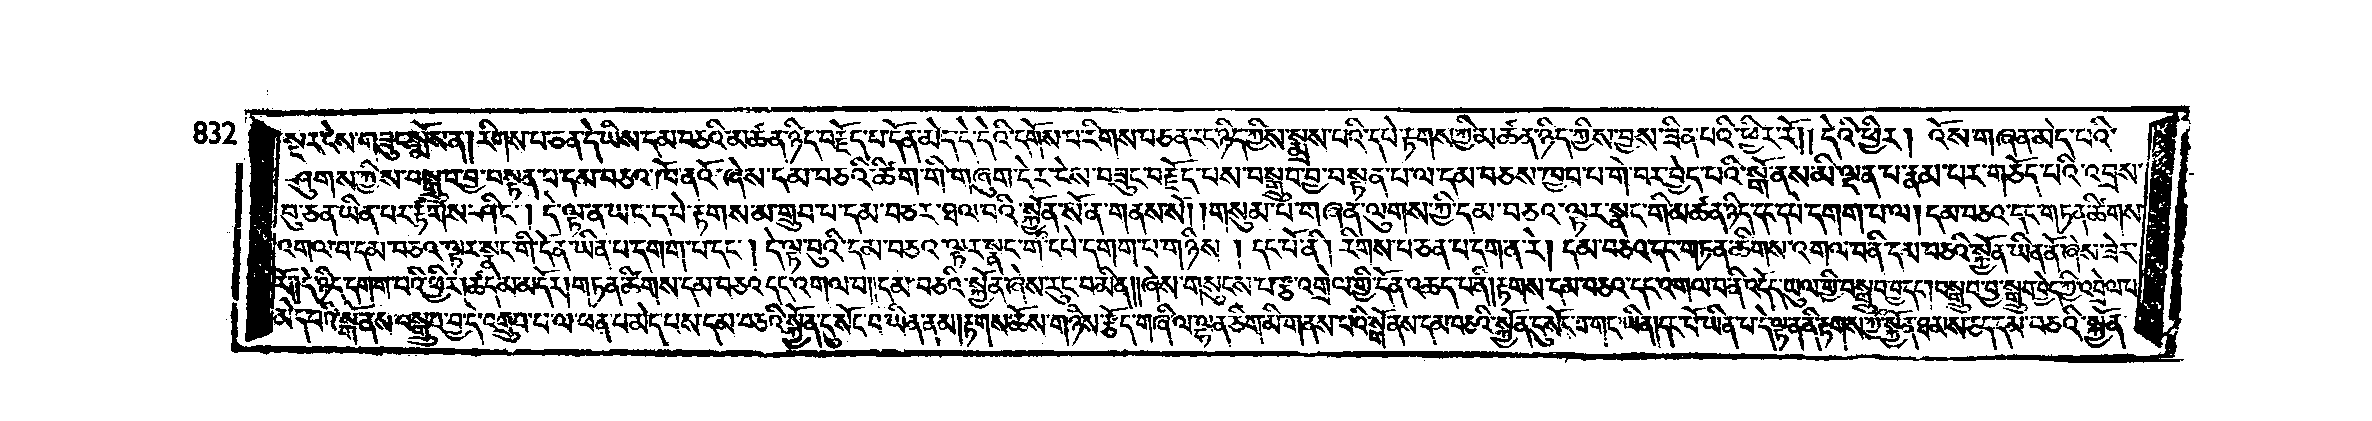སྔར་ངེས་གཟུང་སྨོས་ན། རིགས་པ་ཅན་དེ་ཡིས་དམ་བཅའི་མཚན་ཉིད་བརྗོད་པ་དོན་མེད་དེ་དེའི་དགོས་པ་རིགས་པ་ཅན་རང་ཉིད་ཀྱིས་སྨྲས་པའི་དཔེ་རྟགས་ཀྱི་མཚན་ཉིད་ཀྱིས་བྱས་ཟིན་པའི་ཕྱིར་རོ། །དེའི་ཕྱིར། འོས་གཞན་མེད་པའི་
ཤུགས་ཀྱིས་བསྒྲུབ་བྱ་བསྟན་པ་དམ་བཅའ་ཁོ་ནའོ་ཞེས་དམ་བཅའི་ཚིག་གི་གཞུག་དེར་ངེས་བཟུང་བརྗོད་པས་བསྒྲུབ་བྱ་བསྟན་པ་ལ་དམ་བཅས་ཁྱབ་པ་གོ་བར་བྱེད་པའི་སྒོ་ནས་མི་ལྡན་པ་རྣམ་པར་གཅོད་པའི་འབྲས་
བུ་ཅན་ཡིན་པར་རྟོགས་ཤིང་། དེ་ལྟ་ན་ཡང་དཔེ་རྟགས་མ་གྲུབ་པ་དམ་བཅར་ཐལ་བའི་སྐྱོན་སོ་ན་གནས་སོ། །གསུམ་པ་གཞན་ལུགས་ཀྱི་དམ་བཅའ་ལྟར་སྣང་གི་མཚན་ཉིད་དང་དཔེ་དགག་པ་ལ། དམ་བཅའ་དང་གཏན་ཚིགས་
འགལ་བ་དམ་བཅའ་ལྟར་སྣང་གི་དོན་ཡིན་པ་དགག་པ་དང་། དེ་ལྟ་བུའི་དམ་བཅའ་ལྟར་སྣང་གི་དཔེ་དགག་པ་གཉིས། དང་པོ་ནི། རིགས་པ་ཅན་པ་དག་ན་རེ། དམ་བཅའ་དང་གཏན་ཚིགས་འགལ་བ་ནི་དམ་བཅའི་སྐྱོན་ཡིན་ནོ་ཞེས་ཟེར་
རོ། །དེ་ཉིད་དགག་པའི་ཕྱིར། ཚད་མ་མདོར། གཏན་ཚིགས་དམ་བཅའ་དང་འགལ་བ། །དམ་བཅའི་སྐྱོན་ཞེས་རུང་བ་མིན། །ཞེས་གསུངས་པ་རྩ་འགྲེལ་གྱི་དོན་འཆད་པ་ནི། རྟགས་དམ་བཅའ་དང་འགལ་བ་ནི་འདོད་ཡུལ་གྱི་བསྒྲུབ་བྱ་དང་། བསྒྲུབ་བྱ་སྒྲུབ་བྱེད་ཀྱི་འབྲེལ་བ་
མེད་པའི་སྒོ་ནས་བསྒྲུབ་བྱ་དེ་འགྲུབ་པ་ལ་ཕན་པ་མེད་པས་དམ་བཅའི་སྐྱོན་དུ་སོང་བ་ཡིན་ནམ། རྟགས་ཆོས་གཉིས་རྩོད་གཞི་ལ་ལྷན་ཅིག་མི་གནས་པའི་སྒོ་ནས་དམ་བཅའི་སྐྱོན་དུ་སོང་བ་གང་ཡིན། དང་པོ་ཡིན་པ་དེ་ལྟ་ན་ནི་རྟགས་ཀྱི་སྐྱོན་ཐམས་ཅད་དམ་བཅའི་སྐྱོན་